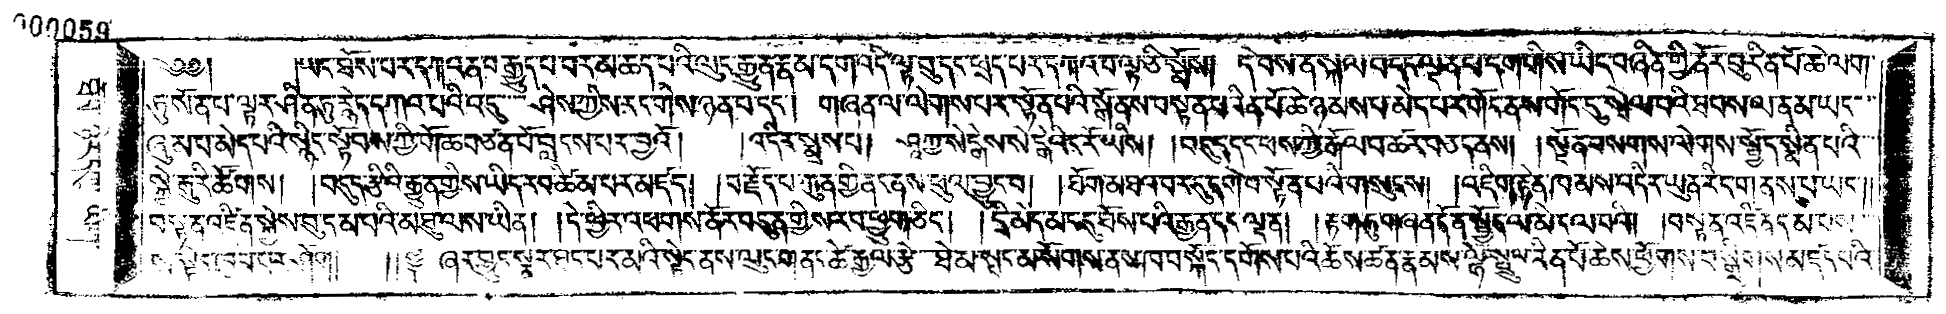༄༅། །ཡང་ཐོས་པར་དཀའ་ན་བརྒྱུད་པ་བར་མ་ཆད་པའི་ལུང་རྒྱུན་རྣམ་དག་འདི་ལྟ་བུ་དང་ཕྲད་པར་དཀའ་བ་ལྟ་ཅི་སྨོས། དེ་བས་ན་སྐལ་བ་དང་ལྡན་པ་དག་གིས་ཡིད་བཞིན་གྱི་ནོར་བུ་རིན་པོ་ཆེ་ལག་
ཏུ་སོན་པ་ལྟར་ཤིན་ཏུ་རྙེད་དཀའ་པའི་འདུ་ཤེས་ཀྱིས་རང་གིས་ཉན་པ་དང་། གཞན་ལ་ལེགས་པར་སྟོན་པའི་སོག་ནས་བསྟན་པ་རིན་པོ་ཆེ་ཉམས་པ་མེད་པར་གོང་ནས་གོང་དུ་སྦེལ་བའི་ཐབས་ལ་ནམ་ཡང་
ཞུམ་པ་མེད་པའི་སྙིང་སྟོབས་ཀྱི་གོ་ཆབ་ཙན་པོ་བླངས་པར་བྱའོ། །འདིར་སྨྲས་པ། ཤཱཀྱ་སེངྒེས་སེངྒེའི་ང་རོ་ཡིས། །བདུད་དང་ཕས་ཀྱི་རྒོལ་བ་ཚར་བཅད་ནས། །སྔོན་བསགས་ལེགས་སྤྱོད་སྨིན་པའི་
སྐྱེ་རྒུ་རི་ཚོགས། །བདུད་རྩིའི་རྒྱུན་གྱིས་ཡིད་རབ་ཚིམ་པར་མཛད། །བརྗོད་པ་ཀུན་གྱི་ནང་ནས་ཕུལ་བྱུང་བ། །ཐོག་མཐའ་བར་དུ་དགེ་བ་སྟོན་པའི་གསུངས། །འཇིག་རྟེན་ཁམས་འདིར་ཡུན་རིང་གནས་པ་ཡང།།
བསྟན་འཛིན་སྐྱེས་བུ་དམ་པའི་མཐུ་ལས་ཡིན། །དེ་ཕྱིར་འཕགས་ནོར་བདུན་གྱིས་རབ་ཕྱུག་ཅིང་། །དྲི་མེད་མང་དུ་ཐོས་པའི་རྒྱན་དང་ལྡན། །རྟག་ཏུ་གཞན་དོན་སྤྱོད་ལ་མི་ངལ་བའི། །བསྟན་འཛིན་དམ་པས་
ས་སྟེང་ཁྱབ་པར་ཤོག། །།༈ ཞར་བྱུང་སྣར་ཐད་པར་མའི་སྟེང་ནས་ལུང་གནང་ཚེ་རྒྱལ་རྩེ་ཐེམ་སྤང་མ་སོགས་ནས་ཁ་བསྐོང་དགོས་པའི་ཆོས་ཚན་རྣམས་ལྷོ་སྤྲུལ་རིན་པོ་ཆེས་ཕྱོགས་བསྒྲིགས་མཛད་པའི་